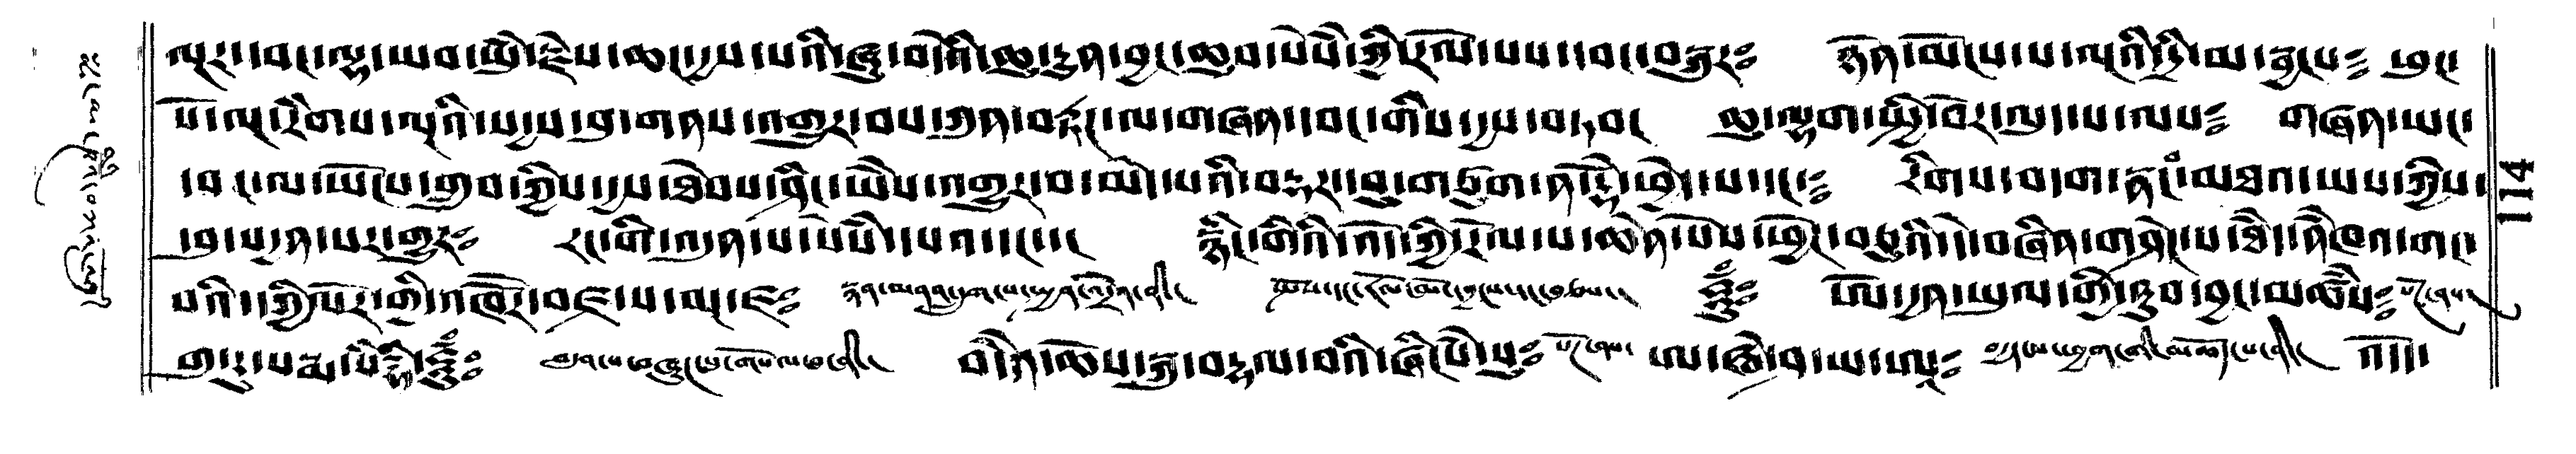ལྔར་དབང་ལྷ་ཡབ་ཡུམ་རྗེས་ཆགས་རྒྱས་པའི་ཞུ་བདེའི་ཆུ་རྒྱུན་བྱང་ཆུབ་སེམས་ཀྱི་རོལ་པས་དབང་བསྐུར༔ ཉོན་མོངས་པ་ལྔའི་དྲི་མ་སྦྱངས༔ ཕུང་
པོ་ལྔ་རིགས་ལྔའི་སངས་རྒྱས་སུ་གནས་འགྱུར་བས་ཀུན་བརྟགས་ལ་གཞན་དབང་གིས་རྒྱས་བཏབ༔ཆུ་ལྷག་སྤྱི་བོར་ལུད་པ་ལས༔ གཞན་དབང་
ལ་ཡོངས་གྲུབ་ཀྱིས་རྒྱས་ཐེབས་ཤིང་ཡེ་ཤེས་འགྱུར་བ་མེད་པའི་བརྡར་དབུ་གཙུག་ན་རྡོ་རྗེ་ཕྱེད་པ་དང༔ རིགས་བདག་སྣང་བ་མཐའ་ཡས་ཀྱིས་
དབུ་བརྒྱན་པར་གྱུར༔ རང་གི་འདུན་པ་སེམས་དཔའ་དང༔ སྙིང་གའི་འོད་ཀྱི་རོལ་པ་ཆེན་པོས་ཕྱོགས་བཅུའི་དེ་བཞིན་གཤེགས་པ་ཐམས་ཅད་ནམ་མཁའ་གང་
བའི་དཀྱིལ་འཁོར་གྱི་འཁོར་ལོ་བཛྲ་ས་མཱ་ཛ༔ སྙན་བསན་དྲུག་པ་སྤྱན་འདྲེན་ནི། །སྤོས་དང་རོལ་མོ་དབྱངས་དང་བཅས། ཧྃའུ༔ ཨོ་རྒྱན་ཡུལ་གྱི་ནུབ་བྱང་མཚམས༔ སོགས་ནས། 
གུ་རུ་པདྨ་སིདྡྷི་ཧཱུྃ༔ བདུན་པ་བཞུགས་སུ་གསོལ་བ་ནི། བདེ་ཆེན་ཆོས་སྐུ་བརྡལ་བའི་ཞིང་ཁམས་སུ༔ སོགས་ནས། ཨ་ཝེ་ཤ་ཡ་ཨཱ༔ བརྒྱད་པ་ཕྱག་གི་མཆོད་པ་ནི། འདོད་